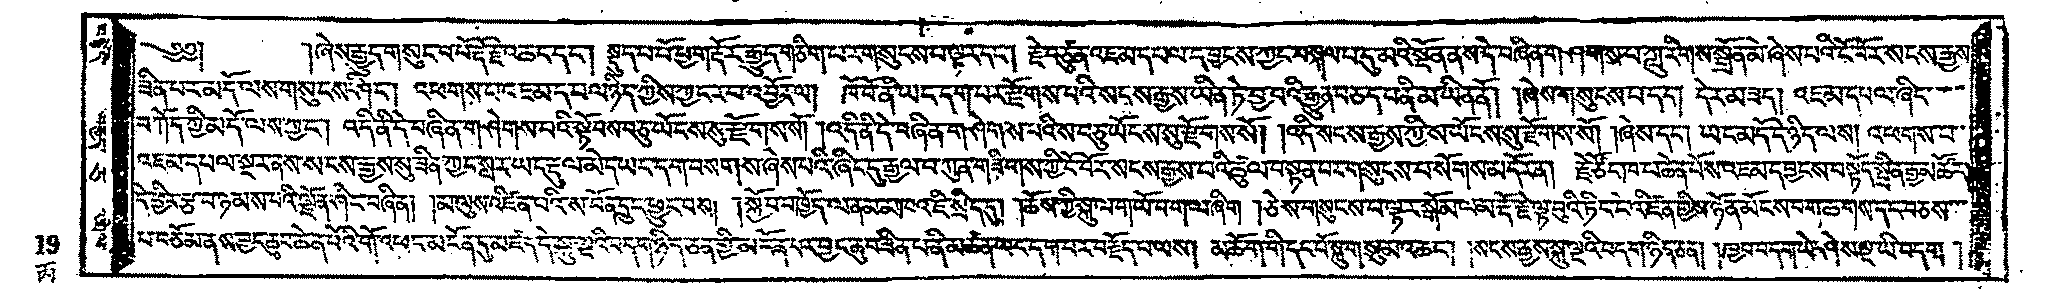༄༅། །ཞེས་རྒྱུད་གསུང་བ་པོ་རྡོ་རྗེ་འཆང་དང་། སྡུད་པ་པོ་ཕྱག་རྡོར་རྒྱུད་གཅིག་པར་གསུངས་པ་ལྟར་དང་། རྗེ་བཙུན་འཇམ་དཔལ་དབྱངས་ཀྱང་བསྐལ་པ་དུ་མའི་སྔོན་ནས་དེ་བཞིན་གཤེགས་པ་ཀླུ་རིགས་སྒྲོན་མེ་ཞེས་པའི་ངོ་བོར་སངས་རྒྱས་
ཟིན་པར་མདོ་ལས་གསུངས་ཤིང་། འཕགས་པ་འཇམ་དཔལ་ཉིད་ཀྱིས་ཀྱང་རབ་འབྱོར་ལ། ཁོ་བོ་ནི་ཡང་དག་པར་རྫོགས་པའི་སངས་རྒྱས་ཡིན་ཏེ་བྱ་བའི་རྒྱུན་བཅད་པ་ནི་མ་ཡིན་ནོ། །ཞེས་གསུངས་པ་དང་། དེར་མ་ཟད། འཇམ་དཔལ་ཞིང་བཀོད་ཀྱི་མདོ་ལས་ཀྱང་། འདི་ནི་དེ་བཞིན་གཤེགས་པའི་སྟོབས་བཅུ་ཡོངས་སུ་རྫོགས་སོ། །འདི་ནི་དེ་བཞིན་གཤེགས་པའི་ས་བཅུ་ཡོངས་སུ་རྫོགས་སོ། །འདི་སངས་རྒྱས་ཀྱི་ས་ཡོངས་སུ་རྫོགས་སོ། །ཞེས་དང་། ཡང་མདོ་དེ་ཉིད་ལས། འཕགས་པ་
འཇམ་དཔལ་སྔར་ནས་སངས་རྒྱས་སུ་ཟིན་ཀྱང་སླར་ཡང་རྡུལ་མེད་ཡང་དག་བསགས་ཞེས་པའི་ཞིང་དུ་རྒྱལ་བ་ཀུན་གཟིགས་ཀྱི་ངོ་བོར་སངས་རྒྱས་བའི་ཚུལ་བསྟན་པར་གསུངས་པ་སོགས་མདོར་ན། རྗེ་ཙོང་ཁ་པ་ཆེན་པོས་འཇམ་དབྱངས་བསྟོད་སྤྲིན་རྒྱ་མཚོར།
དེ་ཕྱིར་རྩ་བ་ཉམས་པའི་ལྗོན་ཤིང་བཞིན། །མ་ལུས་འཛིན་པའི་ས་བོན་དྲུང་ཕྱུང་བས། །སྐྱོབ་པ་ཁྱོད་ལ་ནམ་མཁའ་ཇི་སྲིད་དུ། །ཆོས་ཀྱི་སྐུ་ལ་གཡོ་བ་ག་ལ་ཞིག །ཅེས་གསུངས་པ་ལྟར་སྒོམ་ལམ་རྡོ་རྗེ་ལྟ་བུའི་ཏིང་ངེ་འཛིན་གྱིས་ཉོན་མོངས་བག་ཆགས་དང་བཅས་
པ་བཅོམ་ནས་བྱང་ཆུབ་ཆེན་པོའི་གོ་འཕང་མངོན་དུ་མཛད་དེ་སྐུ་ལྔའི་བདག་ཉིད་ཅན་གྱི་མངོན་པར་བྱང་ཆུབ་ཟིན་པ་ནི་མཚན་ཡང་དག་པར་བརྗོད་པ་ལས། མཆོག་གི་དང་པོ་སྐུ་གསུམ་འཆང་། །སངས་རྒྱས་སྐུ་ལྔའི་བདག་ཉིད་ཅན། །ཁྱབ་བདག་ཡེ་ཤེས་སྔ་ཡི་བདག །